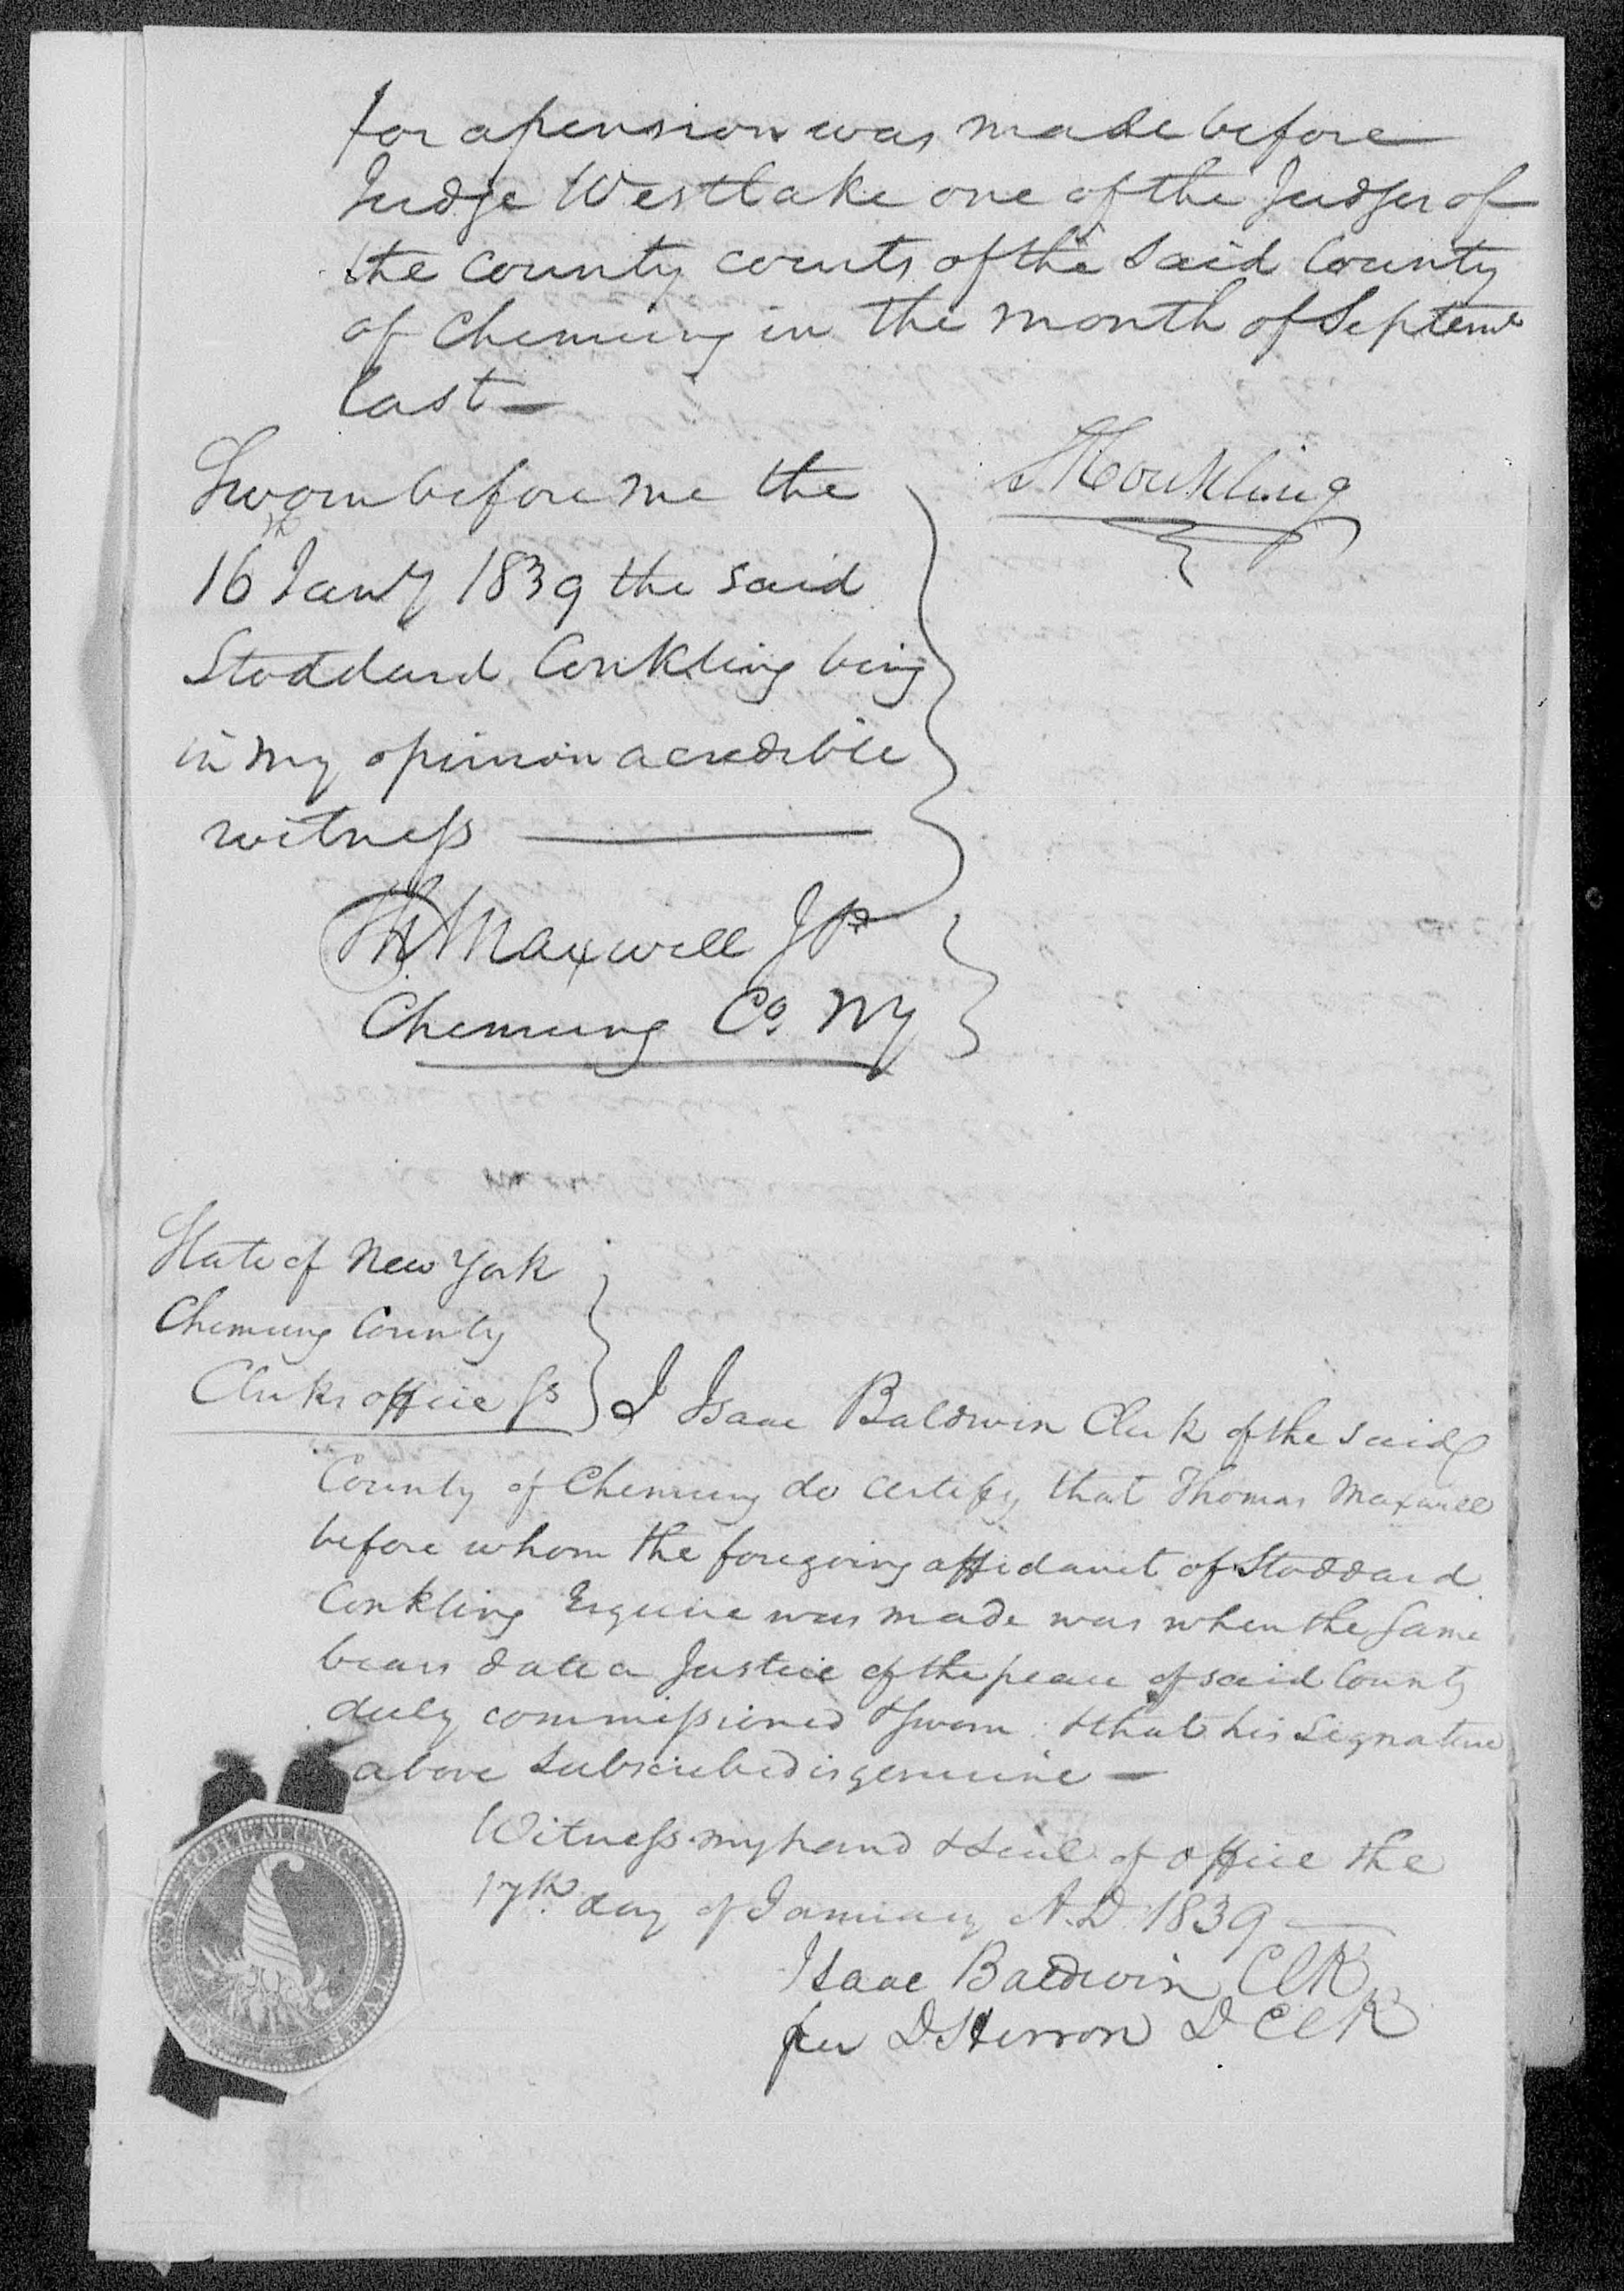for a pension was made before Judge Westlake one of the Judges of the county courts of the said county of Chemung in the month of September last.   S. Conkling
Sworn before me the 16 Jany 1839 the said Stoddard Conkling being in my opinion a credible witness. Th Maxwell JP Chemung Co. NY}
State of New York Chemung County Clerks office ss} I Isaac Baldwin clerk of the said ounty of Chemung do certify that Thomas Maxwell before whom the foregoing affidavit of Stoddard Conkling Esquire was made was when the same bears date a Justice of the peace of said county duly commissioned + sworn + that his signature above subscribed is genuine.
Witness my hand + seal of office the 17th day of January A.D. 1839. 
Isaac Baldwin clk
per D Stinson D clk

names: Th Maxwell, D Herson, Stoddard Conkling, Isaac Baldwin, S Conkling, Thomas Maxwell, Stoddard Conkling, Isaac Baldwin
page: 16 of 18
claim: widow's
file: W. 18,939, Jonathan S Conkling, New York